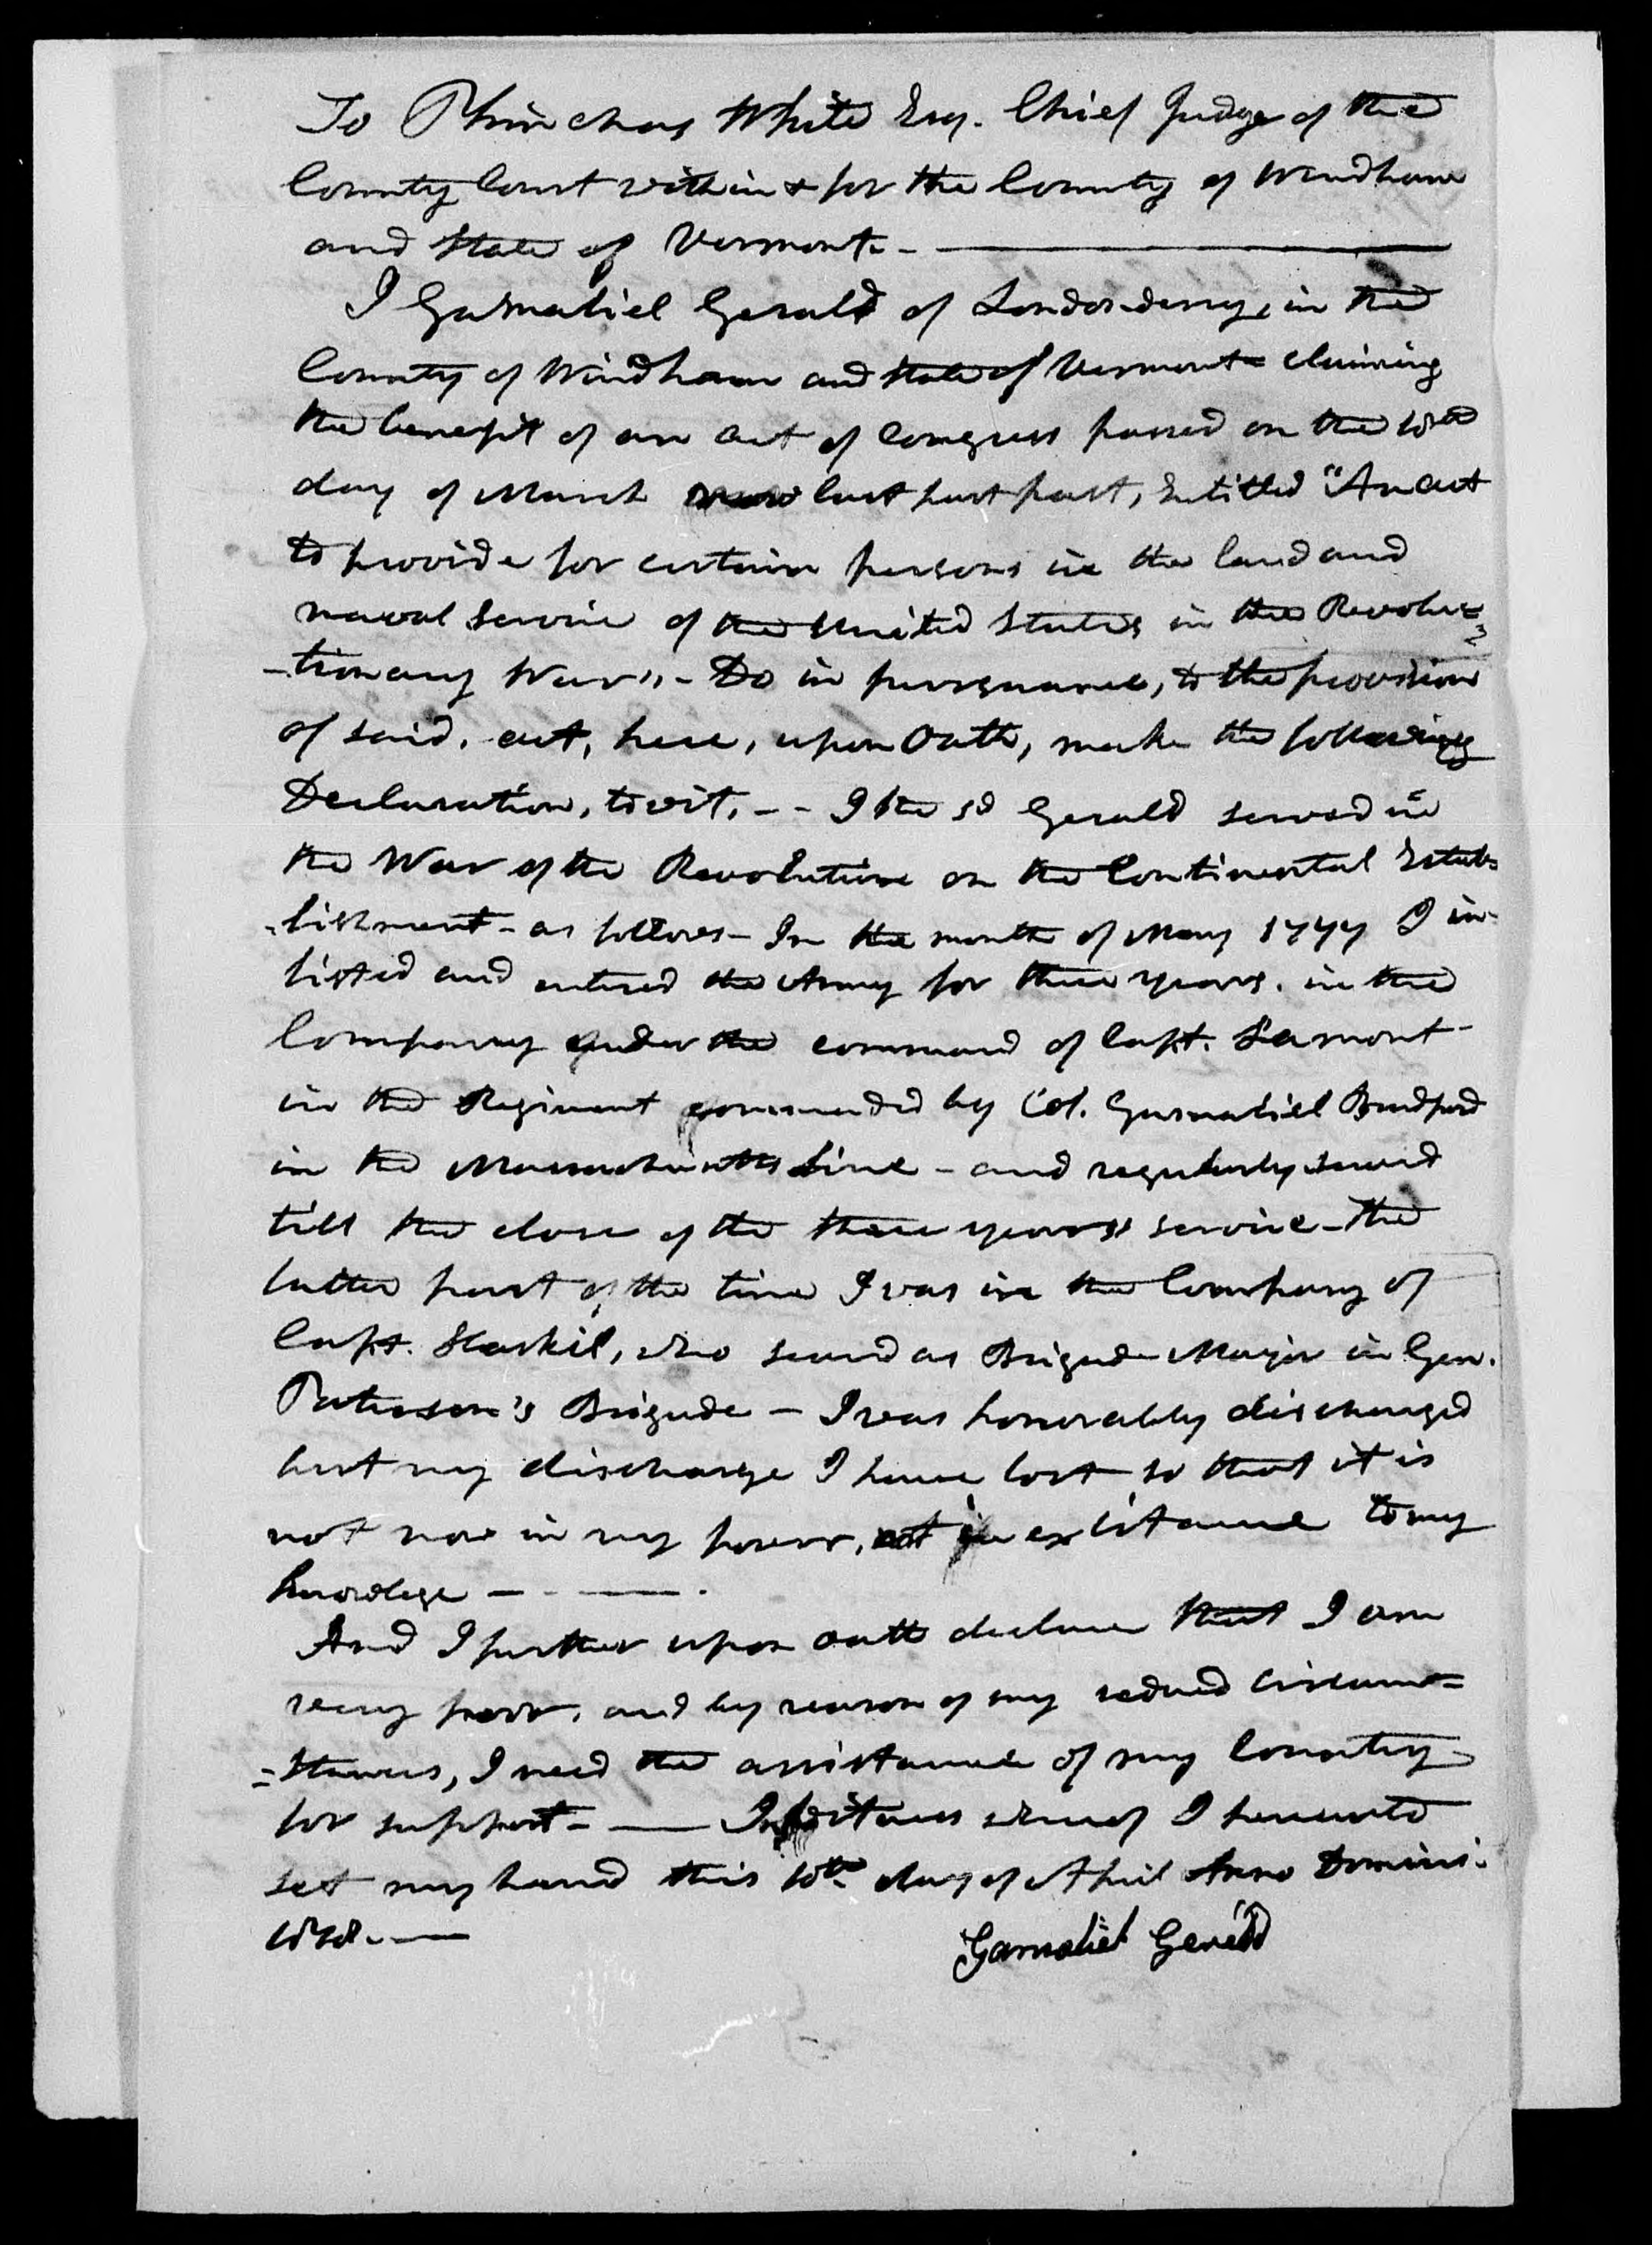To Phinehas White, Esq. Chief Judge of the County Court within & for the County of Windham and State of Vermont. 
I Gamaliel Gerald of Londonderry in the County of Windham and State of Vermont claiming the benefit of an Act of Congress passed on the 3rd day of March last just past entitled "An Act to provide for certain persons in the land and naval service of the United States in the Revolutionary War" - Do in furtherance, to the provisions of said act, here, upon oath, make the following Declaration, to wit. I Gamaliel Gerald served in the War of the Revolution on the Continental states enlistment- as follows- in the month of May 17he Continental77 I enlisted and entered the Army for three years in the Company under the command of Capt. Lamont in the Regiment commanded by Col. Gamaliel Bradford in the Massachusetts Line and regularly served til the close of the three years service the better part of the time I was in the Company of Capt. Haskil, who served as Brigade Major in Gen. Patterson's Brigade. I was honorably discharged but my discharge I have lost in that it is not now in my possession, not in existence to my knowledge. 

And I further upon oath declare that I am very poor, and by reason of my reduced circumstances, I need the assistance of my Country for support. In testimony I hereunto set my hand this 10th day of April Anno Domini 1838 -
Gamaliel Gerald (signature)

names: Gamaliel Gerald, Lamont, Phinehas White, Gamaliel Gerald, Haskil, Gerald, Gamaliel Bradford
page: 11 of 26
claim: widow's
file: W. 25619, Gamaliel Gerald, Mass.